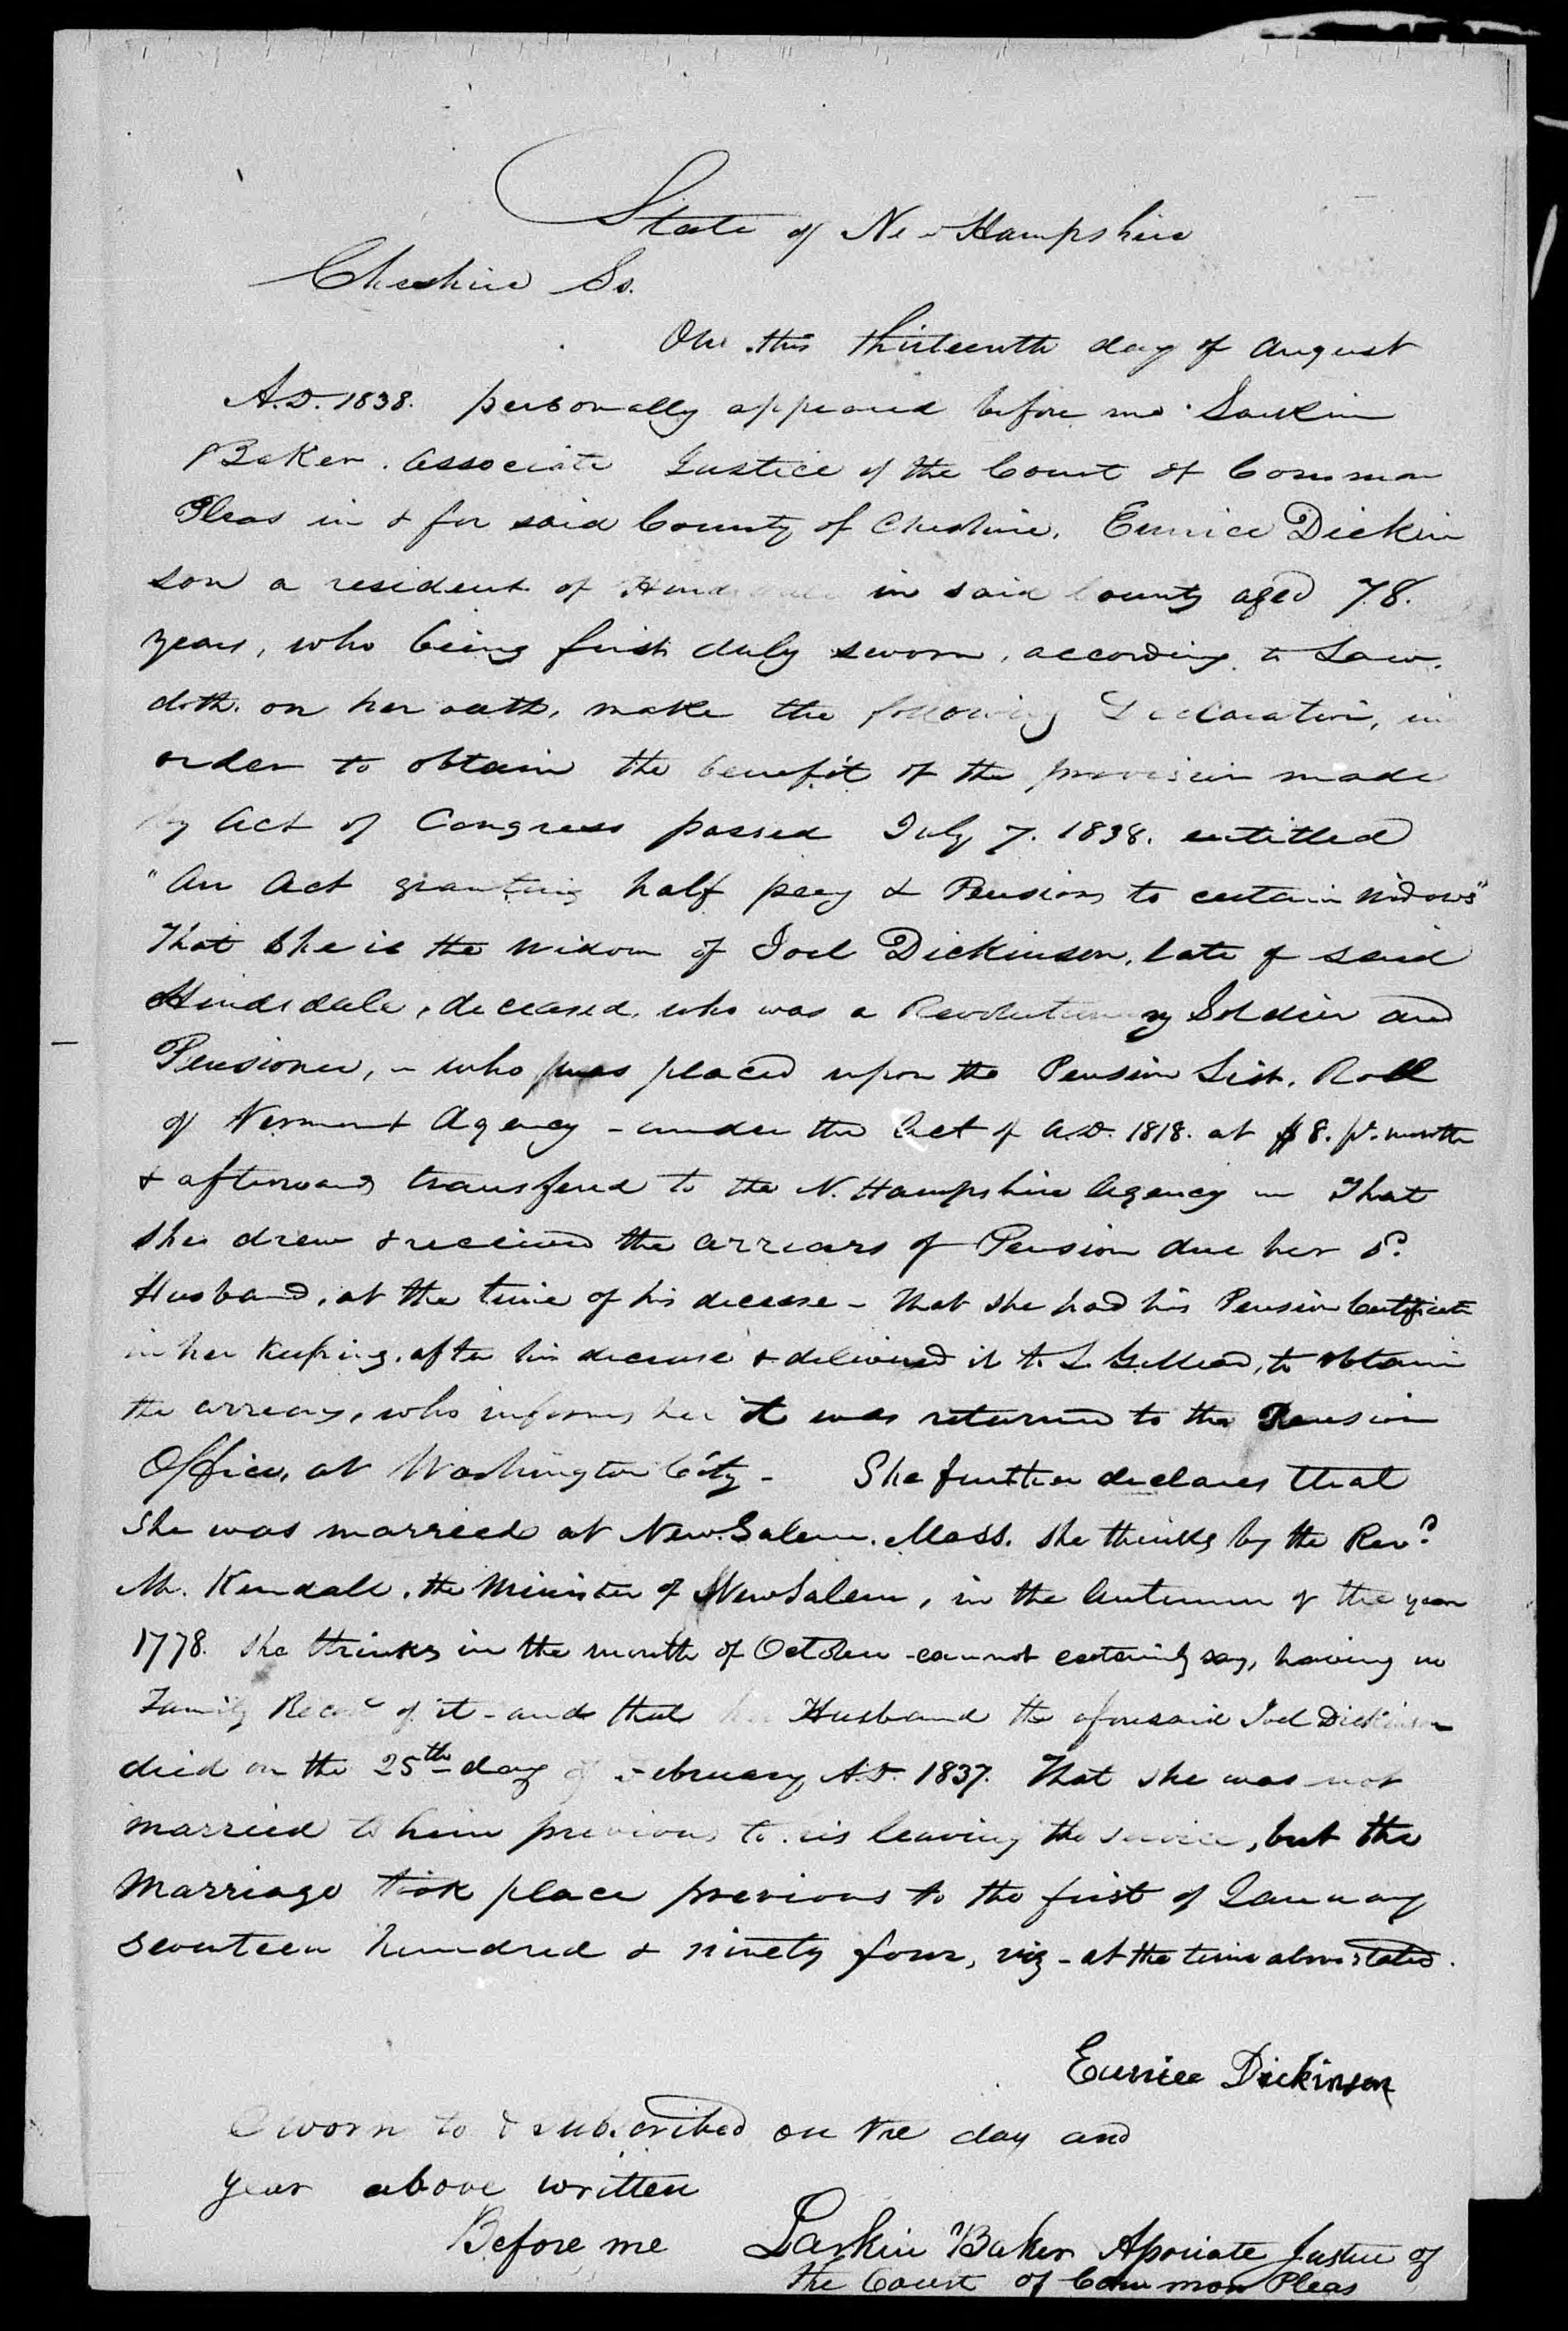State of New Hampshire
Cheshire Ss.
 On this thirteenth day of August A.D. personally appeared before me, Larkin Baker,  Associate Justice of the Court of Common Pleas in & for said County of Cheshire.  Eunice Dickinson a resident of Hinsdale in said County aged 78 years, who being first duly sworn according to law doth on her oath, make the following Declaration, in order to obtain the comfort of the provision made by Act of Congress passed July 7, 1838, entitled "An Act granting half pay  & pensions to certain widows" that she is the widow of Joel Dickinson, late of said Hinsdale, deceased who was a Revolutionary Soldier and Pensioner, who was placed upon the Pension List. Roll of Vermont Agency under the Act of A.D. 1818 at $8 per month &  afterwards transferred to the N. Hampshire Agency _ That she drew & received the arrears of Pension due her said husband, at the time of his decease.  That she had his pension Certificate in her keeping, after his decease & delivered it to (illegible), to obtain the arrears who informed her it was returned to the Pension Office, at Washington City.  She further declares that she was married at New Salem, Mass.  She thinks by the Rev'd Mr. Kendall, the Minister of New Salem, in the Autumn of the year 1778.  She thinks in the month of October, cannot certainly say, having no family record of it _ and that her husband the aforesaid Joel Dickinson died on the 25th day of February A.D. 1837.  That she was not married to  him previous to his leaving the service, but the marriage took place previous to the first of January seventeen hundred & ninety four, viz _ at the time also stated.         Eunice Dickinson

Sworn to & subscribed on the day and year above written
Before me        Larkin Baker   
Associate Justice of the Court of Common Pleas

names: Larkin Baker, Eunice Dickinson, Joel Dickinson, Larkin Baker, Eunice Dickinson, Joel Dickinson, Kendall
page: 9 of 31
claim: widow's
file: W. 22946, Joel Dickinson, Mass.